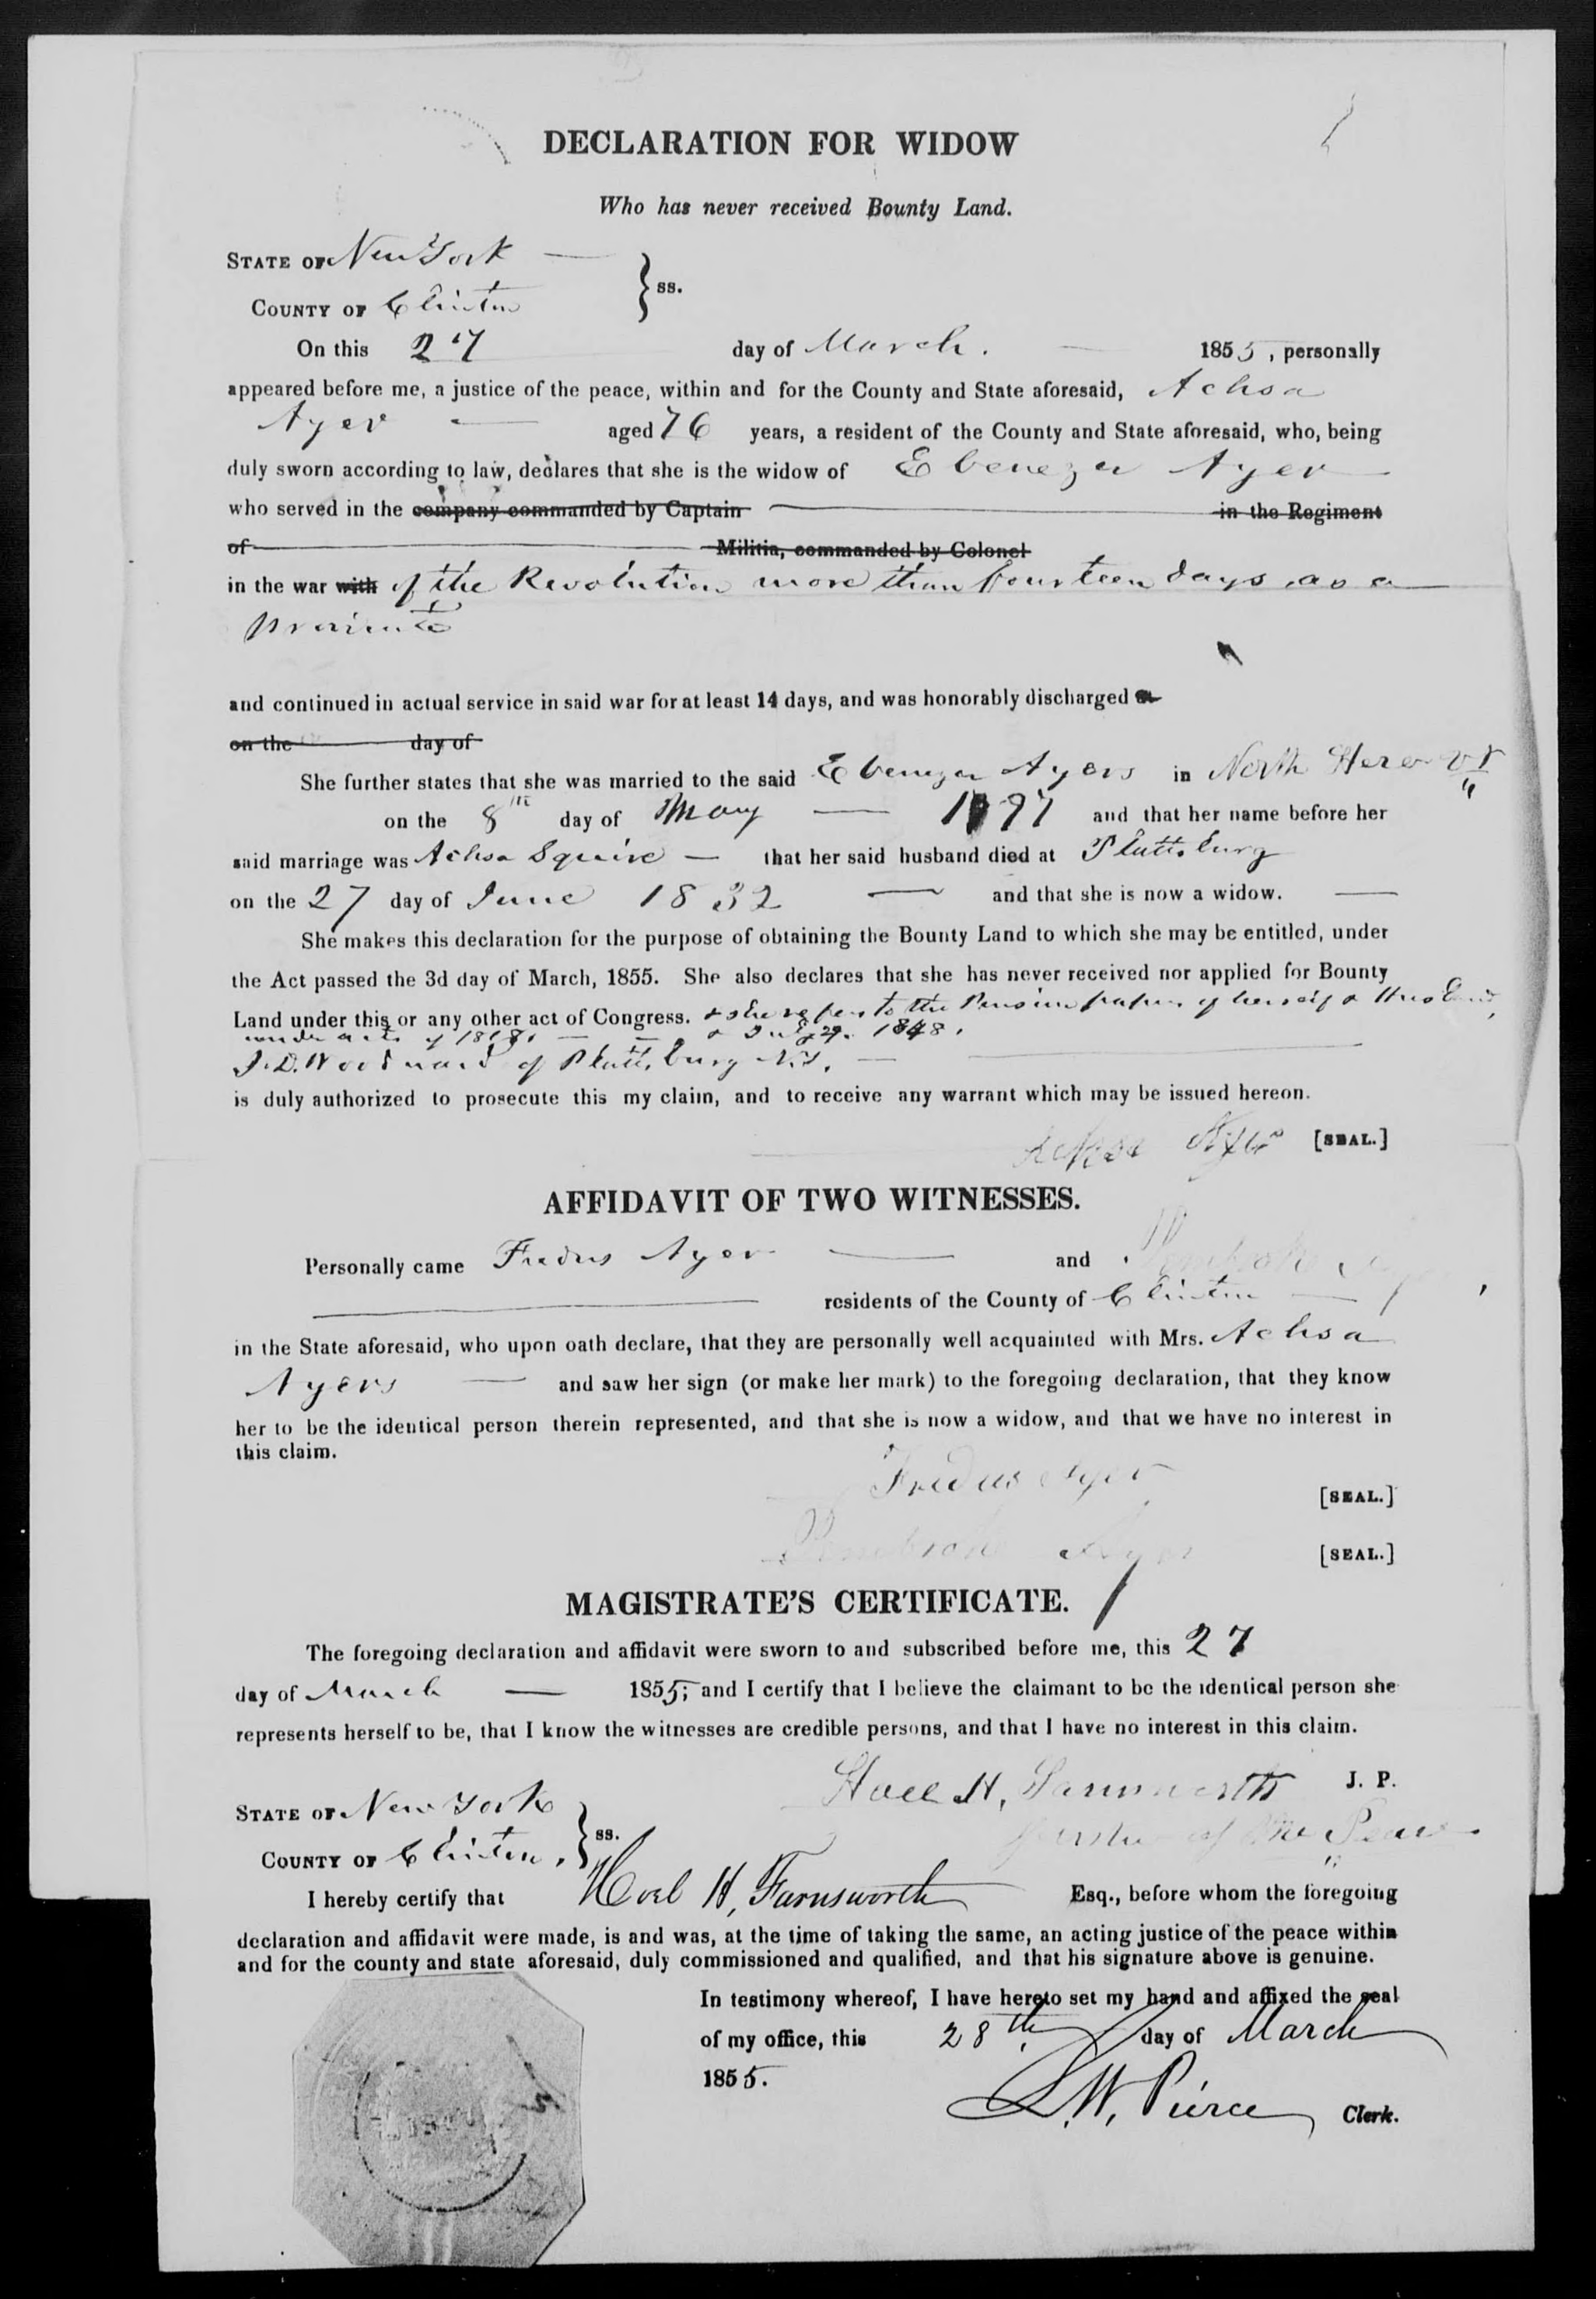DECLARATION FOR WIDOW
Who has never received Bounty Land.
STATE OF New York}
COUNTY OF Clinton} ss.
On this 27 day of March 1855, personally appeared before me, a justice of the peace, within and for the County and State aforesaid, Achsa Ayer [Ayers] aged 76 years, a resident of the County and State aforesaid, who being duly sworn according to law, declares that she is the widow of Ebenezer Ayer who served in the war of the Revolution more than fourteen days as a private and continued in actual service in said war for at least 14 days, and was honorable discharged.
She further states that she was married to the said Ebenezer Ayers in North Hero Vt on the 8th day of May 1797 and that her name before her said marriage was Achsa Squire - that her said husband died at Plattsburg on the 27 day of June 1832 - and that she is now a widow.
She makes this declaration for the purpose of obtaining the Bounty Land to which she may be entitled, under the Act passed the 3d day of March, 1855.  She also declares that she has never received nor applied for Bounty Land under this or any other act of Congress.  & she refers to the Pension papers of herself & Husband, under act of 1818 & July 29, 1848.
J. D. Woodward of Plattsburg N. Y. is duly authorized to prosecute this my claim, and to receive any warrant which may be issued hereon.
Achsa Ayers [SEAL.]
AFFIDAVIT OF TWO WITNESSES.
Personally came Fredus Ayer and Pembroke Ayres, residents of the County of Clinton in the State aforesaid, who upon oath declare, that they are personally well acquainted with Mrs. Achsa Ayers and saw her sign (or make her mark) to the foregoing declaration, that they know her to be the identical person therein represented, and that she is now a widow, and that we have no interest in this claim.
Fredus Ayer [SEAL.]
Pembroke Ayres [SEAL.]
MAGISTRATE'S CERTIFICATE.
The foregoing declaration and affidavit were sworn to and subscribed before me, this 27 day of March 1855; and I certify that I believe the claimant to be the identical person she represents herself to be, that I know the witnesses are credible persons, and that I have no interest in this claim.
Hoel H. Farnsworth J. P.
Justice of the Peace
STATE OF New York}
COUNTY OF Clinton,} ss.
I hereby certify that Hoel H. Farnsworth Esq., before whom the foregoing declaration and affidavit were made, is and was at the time of taking the same, an acting justice of the peace within and for the county and state aforesaid, duly commissioned and qualified, and that his signature above is genuine.
In testimony whereof, I have hereto set my hand and affixed the seal of my office, this 
28th day of March 1855.
L. W. Pierce Clerk.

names: Achsa Ayer, Achsa Ayers, Fredus Ayer, Hoel H Farnsworth, J D Woodward, Thompson Ayer, Ebenezer Ayer, Achsa Ayers, Ebenezer Ayers, Hoel H Farnsworth, L W Pierce, Fredus Ayer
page: 18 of 50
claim: widow's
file: W. 8559, Ebenezer Ayer, Continental (Conn)